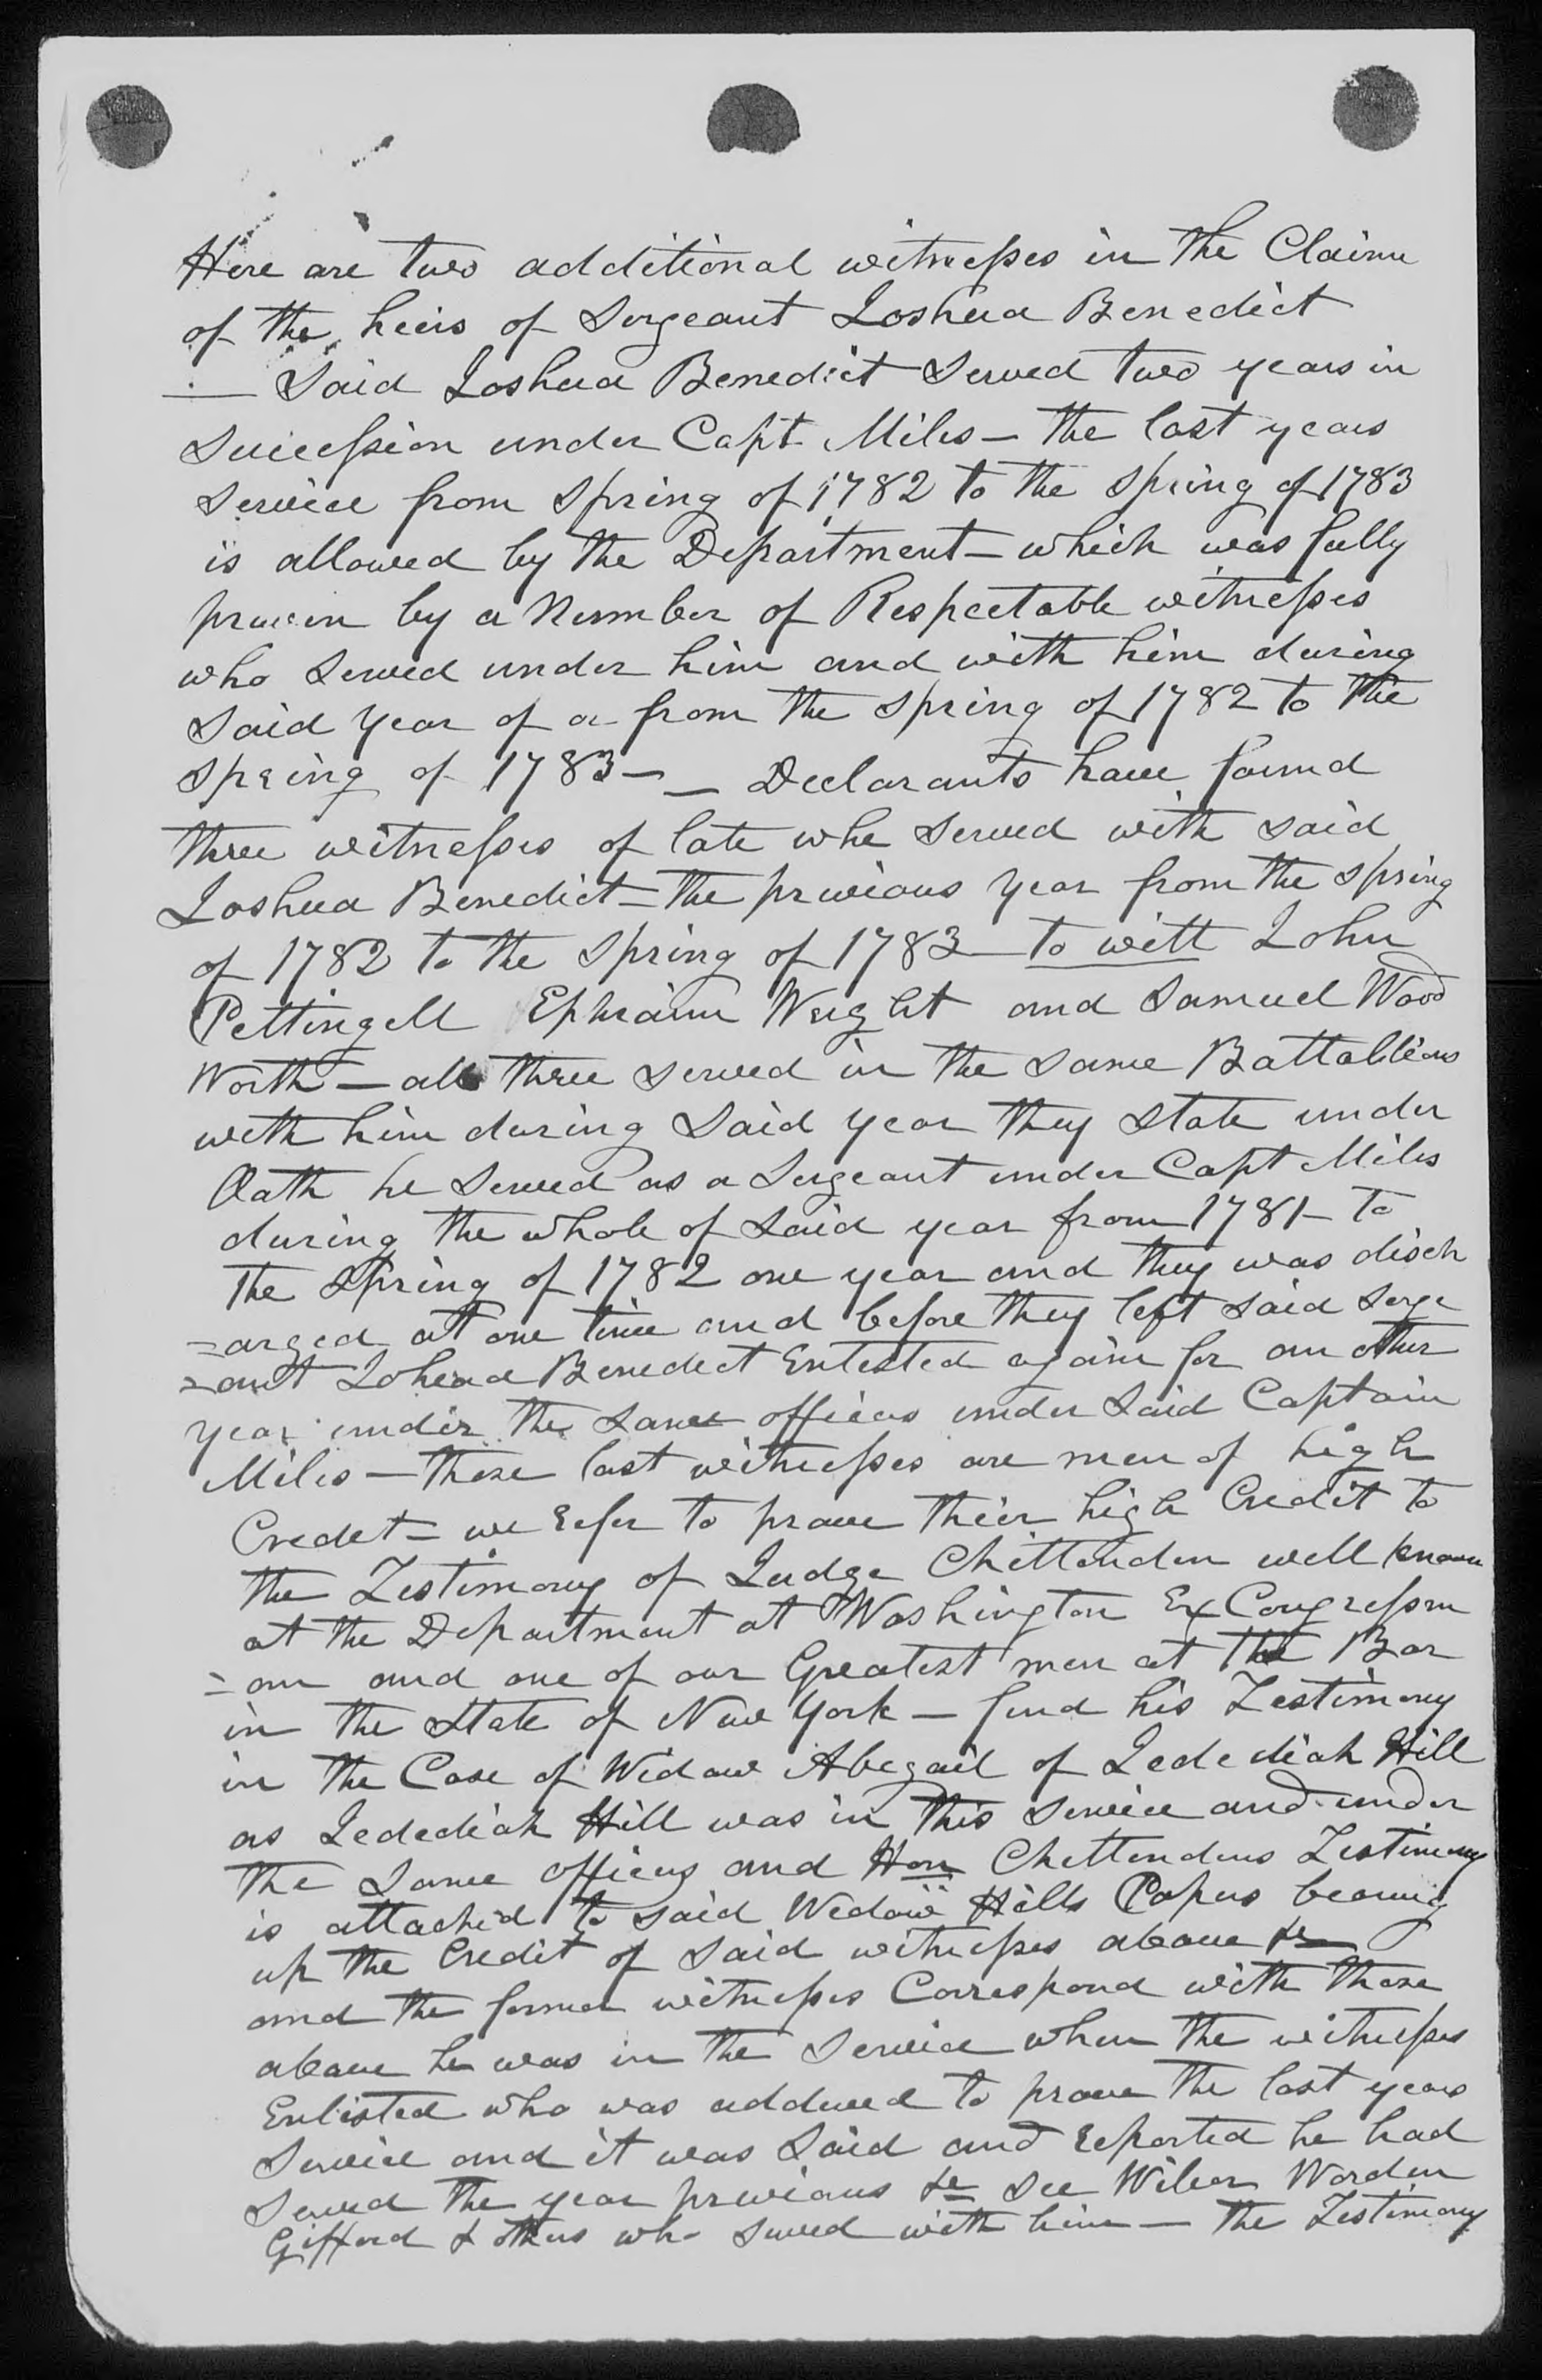Here are two additional witnesses in the Claim of the heirs of Sergeant Joshua Benedict
-Said Joshua Benedict served two years in Succession under Capt Miles - the last years service from Spring of 1782 to the spring of 1783 is allowed by the Department - which was fully proven by a number of Respectable witnesses who served under him and with him during said year of or from the spring of 1782 to the spring of 1783 - Declarants have found three witnesses of late who served with said Joshua Benedict - the previous year from the spring of 1782 to the spring of 1783 - to wit John Pettingell Ephraim Weight and Samuel Woodworth - all three served in the same Battallions [battalions] with him during said year they state under Oath he served as a Sergeant under Capt Miles during the whole of said year from 1781- to the spring of 1782 one year and they was discharged at one time and before they left said sergeant Joshua Benedict Enlisted again for one other year under the same officers under Said Captain Miles - these last witnesses are men of high Credit - we refer to prove their high Credit to the Testimony of Judge Chittenden well known at the Department at Washington ExCongressman [ex congressman] and one of our Greatest men at the Bar in the State of New York - find his Testimony in the Case of Widow Abegail of Jedediah Hill as Jedediah Hill was in this service and under the same officers and Hon Chittendens Testimony is attached to said Widow Hills Papers bearing up the Credit of said witnesses above [illegible] and the former witnesses Correspond with hose above he was in the service when the witnesses Enlisted who was adduced to prove the last years Service and it was Said and reported he had served the year previous &c See [illegible] Worden Gifford & others who served with him - the Testimony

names: Miles, Jedediah Hill, John Pettingell, Abegail, Miles, Ephraim Weight, Joshua Benedict, Samuel Woodworth, Jedediah Hill, Miles, Worden Gifford, Joshua Benedict, Joshua Benedict, Joshua Benedict, Hill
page: 34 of 106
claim: survivor's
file: S 23,116., Joshua Benedict, Conn.